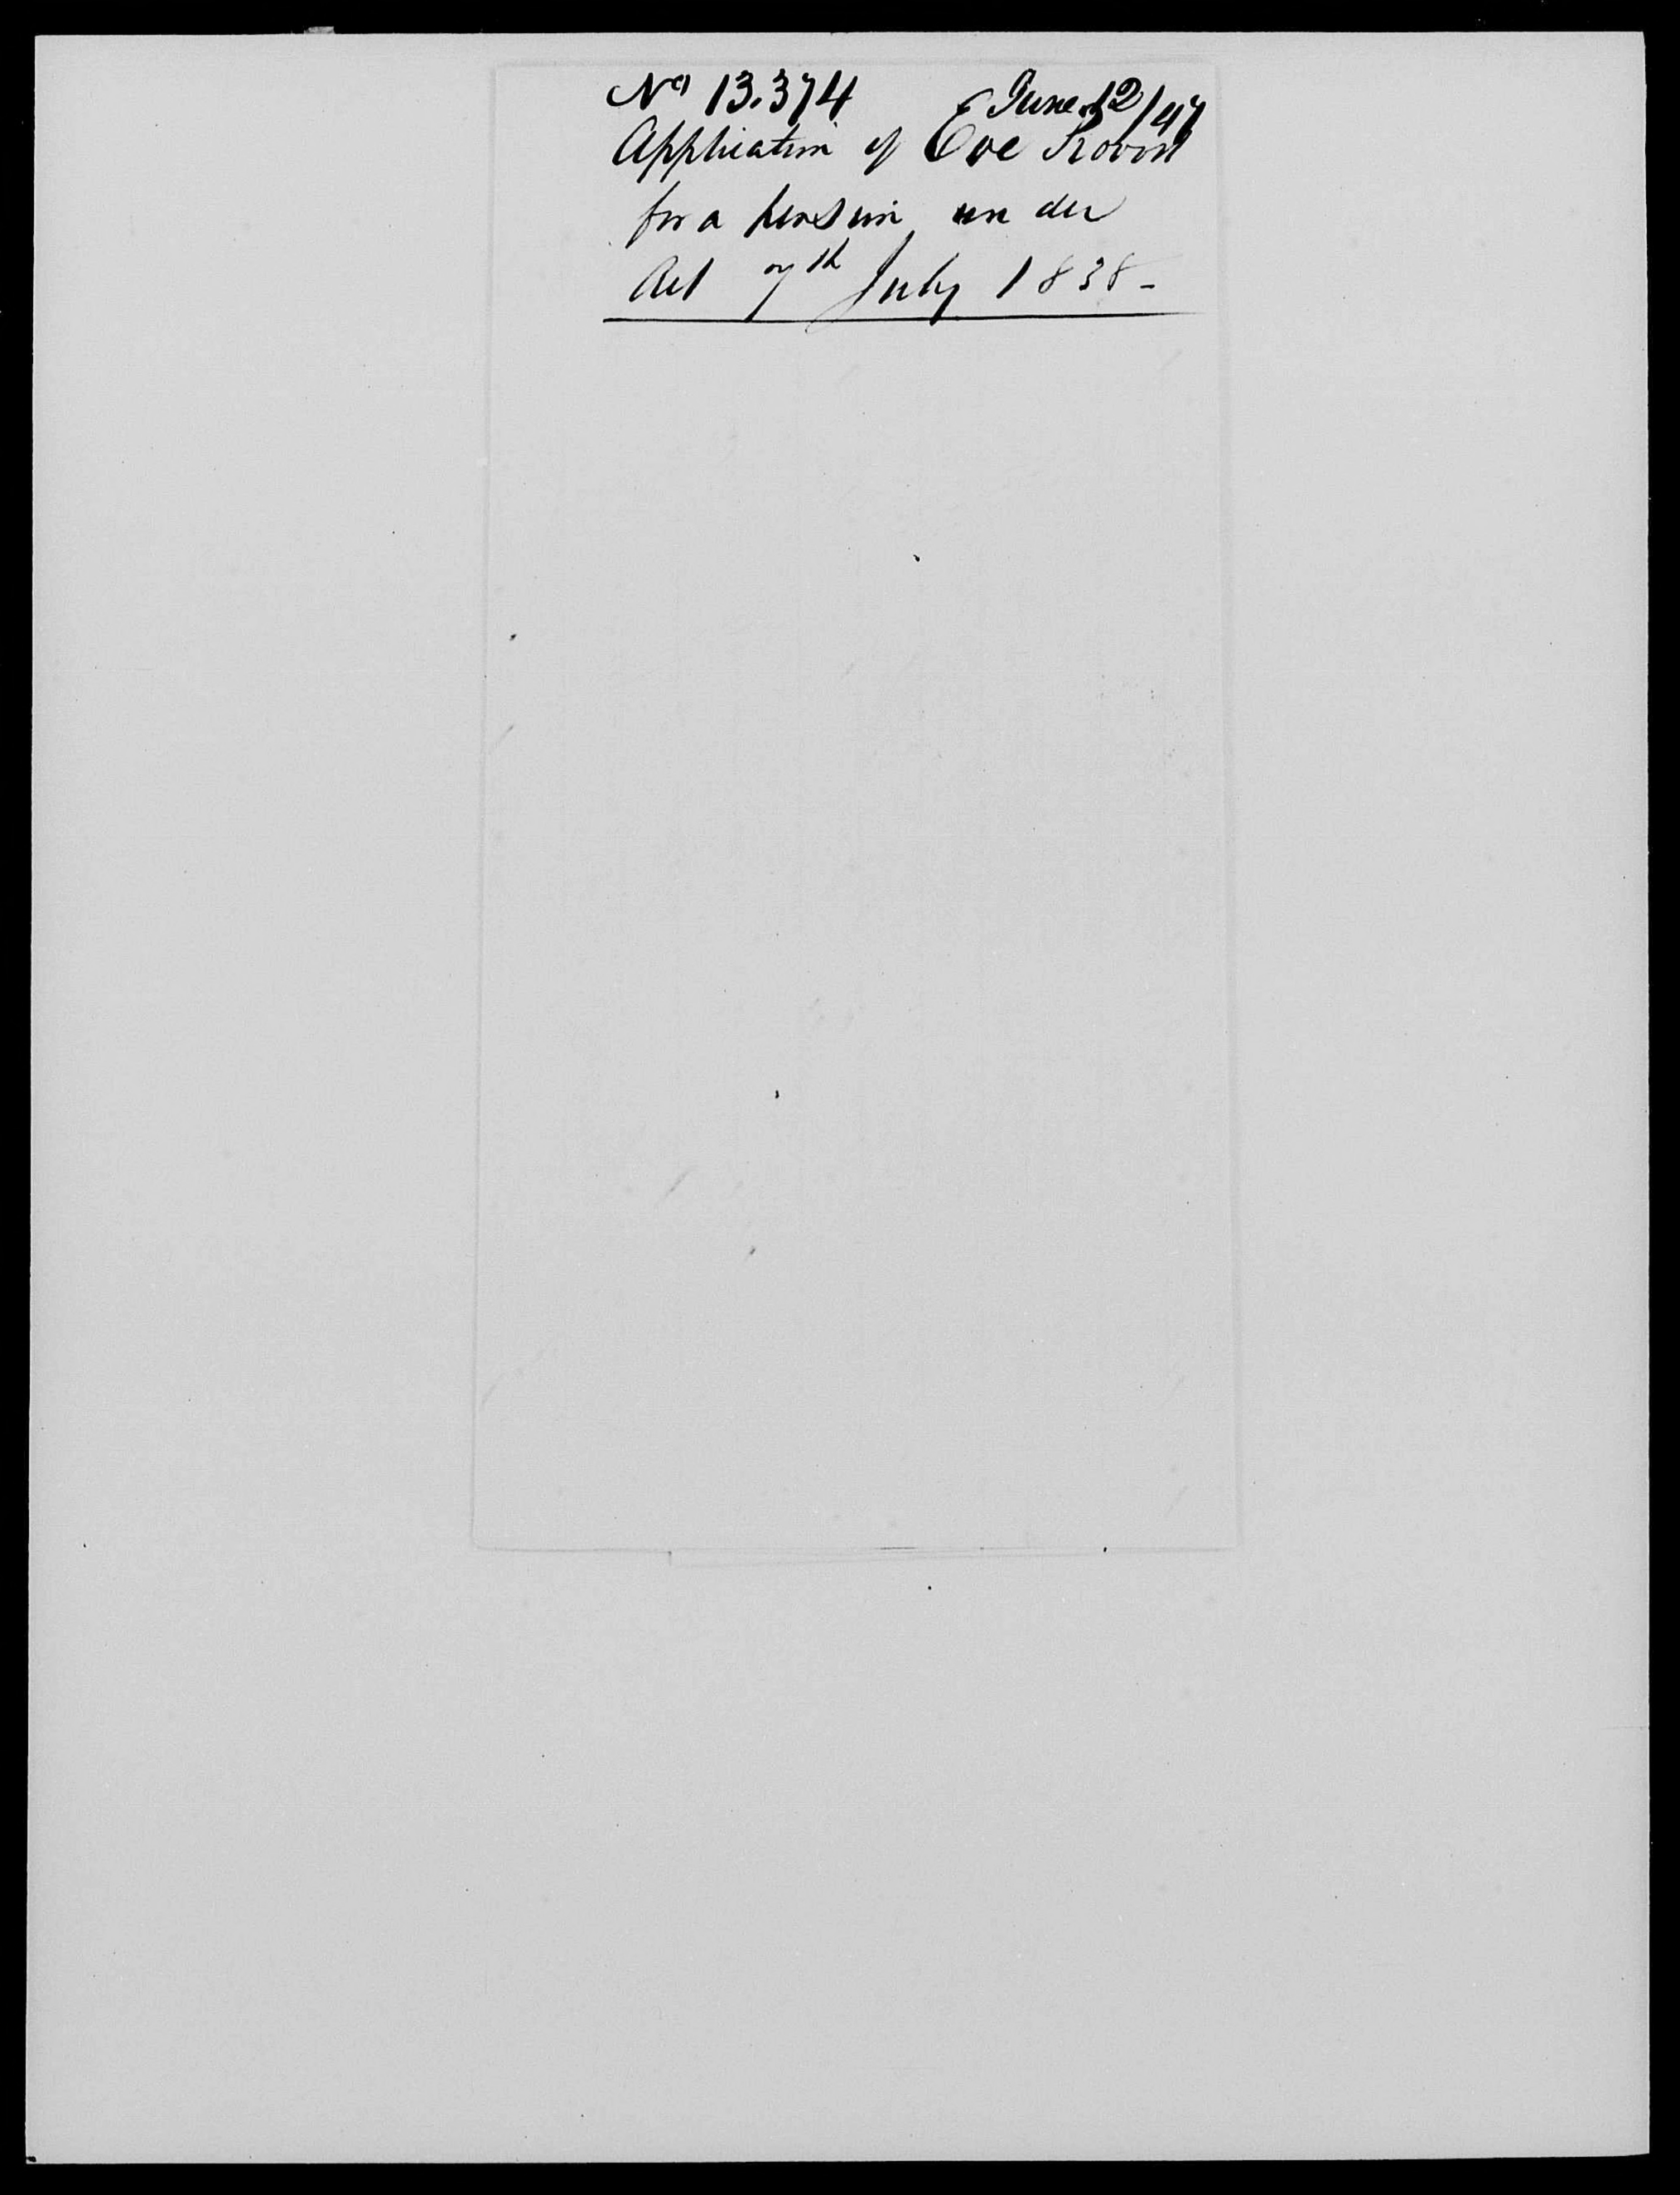No. 13.374 June 12 /47 Application of Eve Provost for a pension under Act 7th July 1838.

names: Eve Provost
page: 18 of 19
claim: rejected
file: R. 8454, for John Provoost, New Jersey